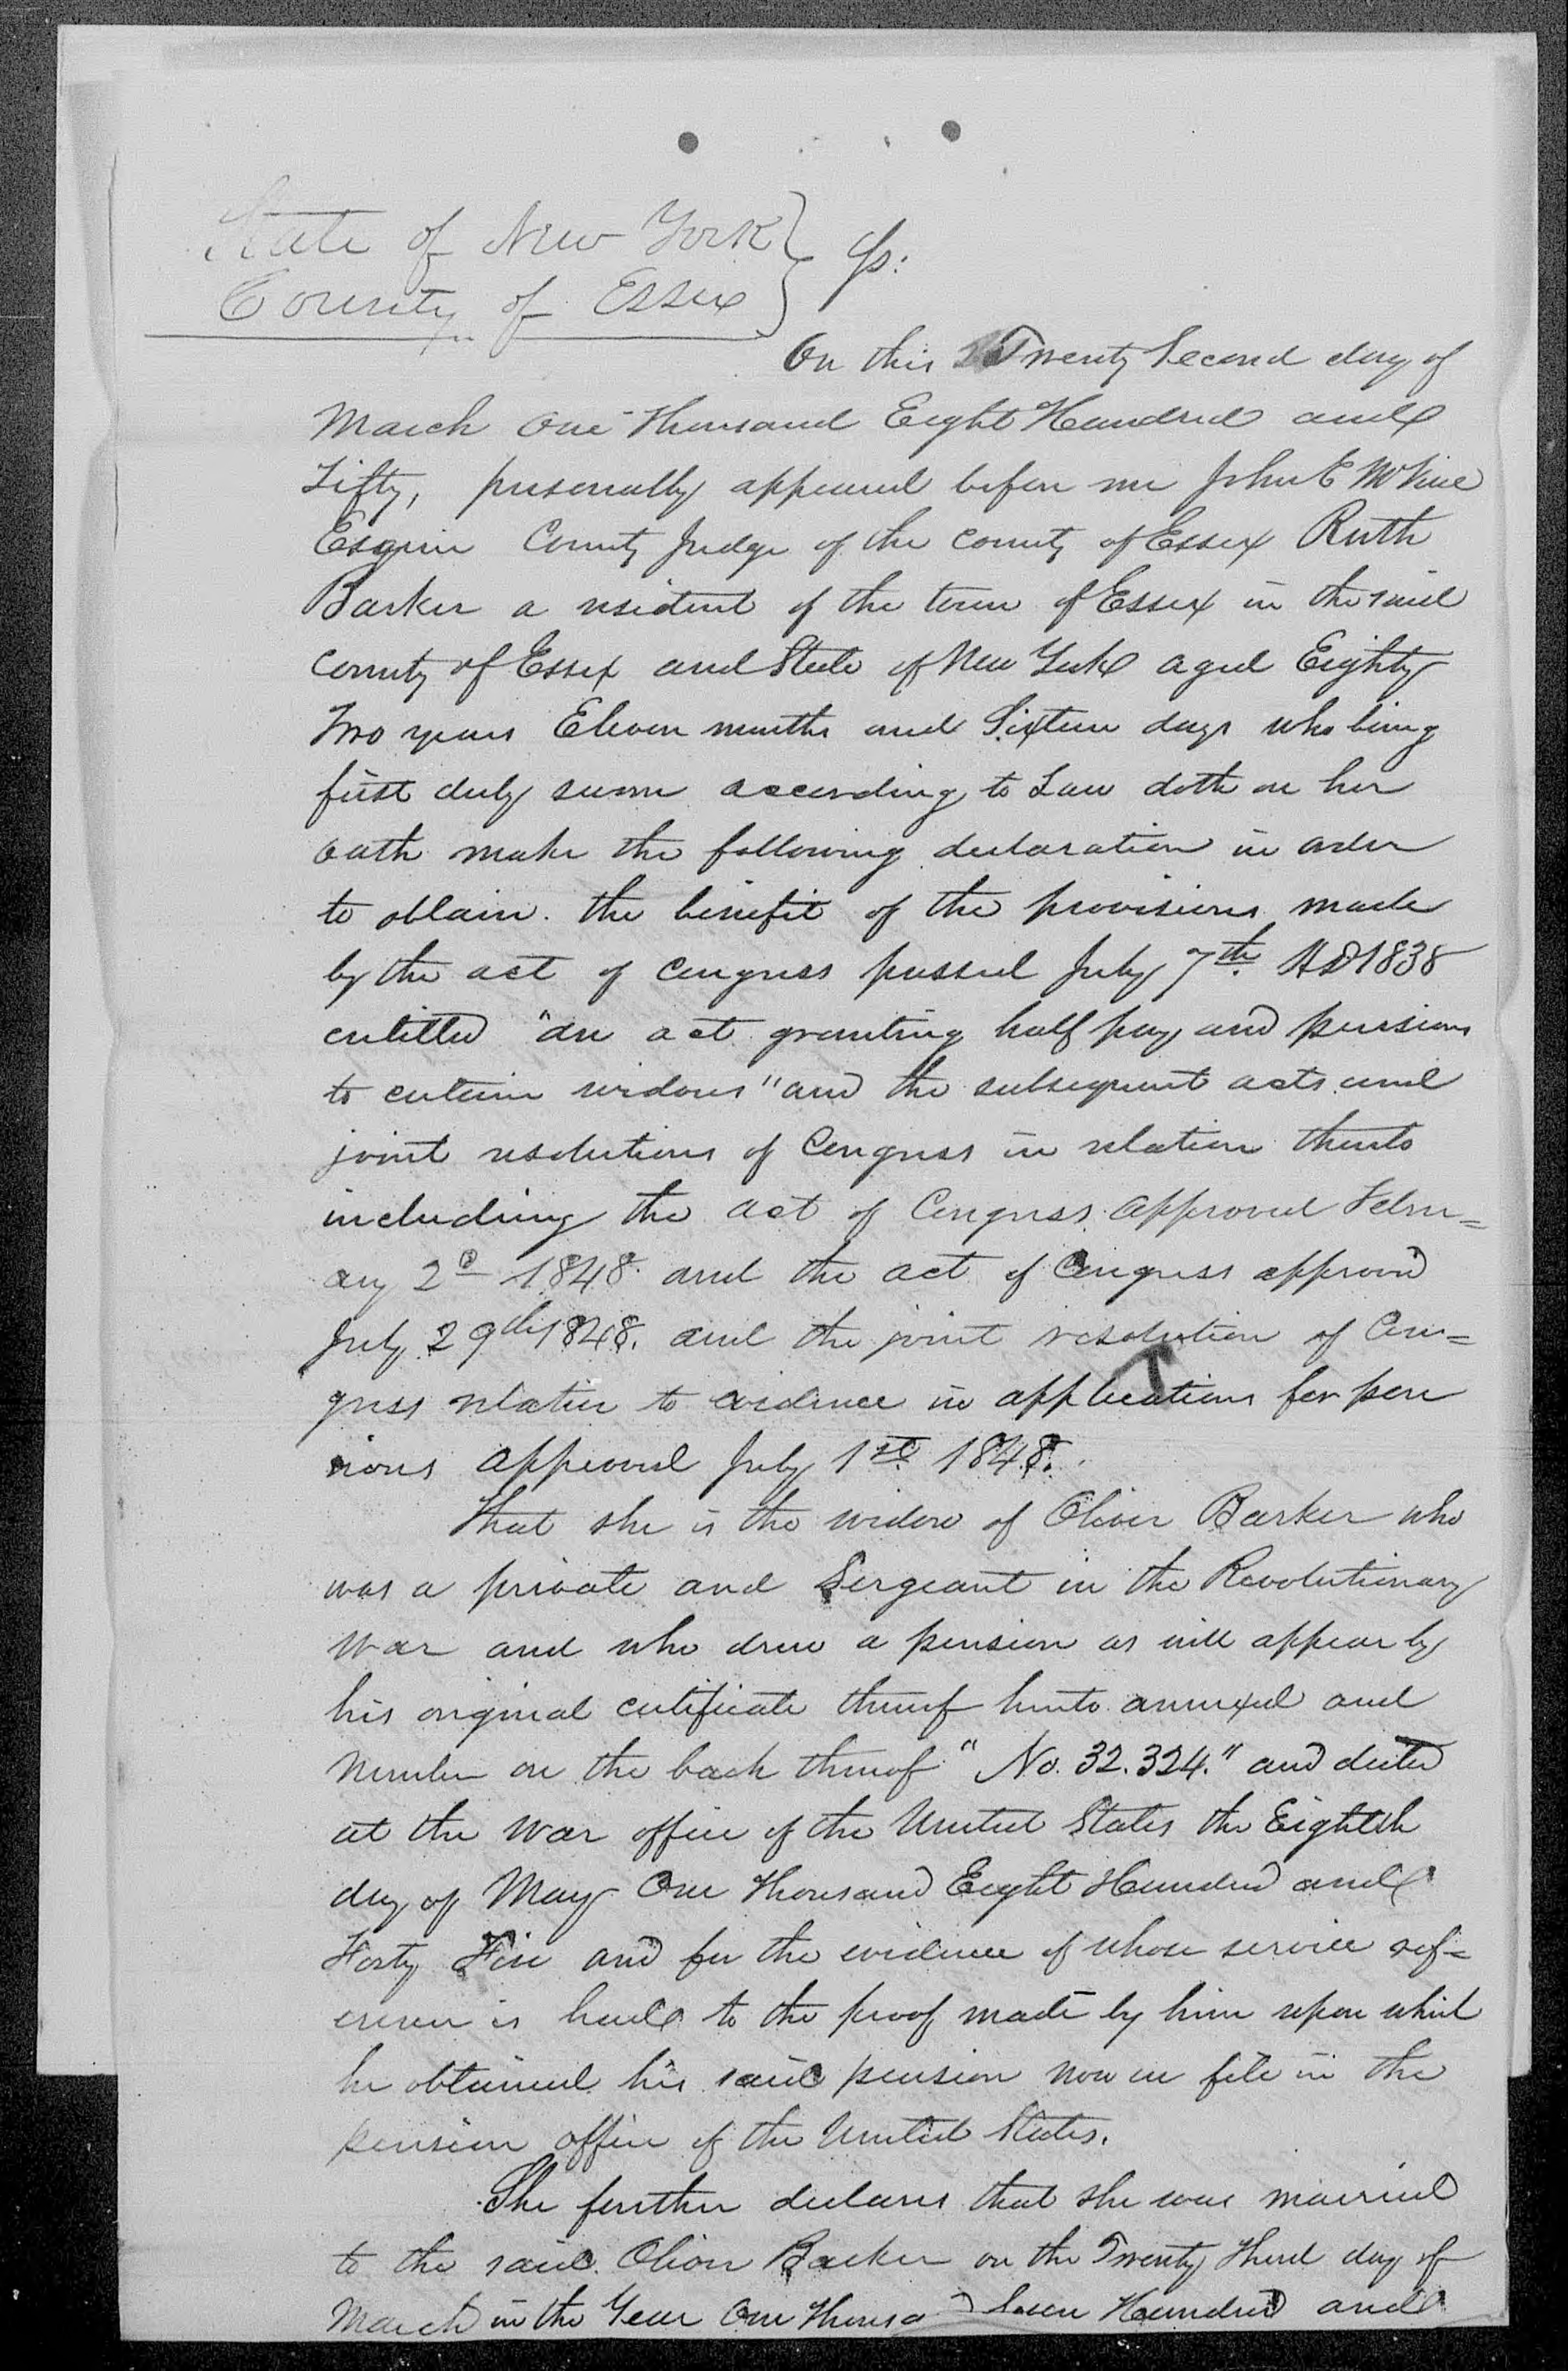State of New York  
County of Essex Ss 
On this Twenty Second day of March One thousand Eight Hundred and fifty, personally appeared before me John E McVine Esquire County Judge of the County of Essex Ruth Barker a resident of the town of Essex in the said County of Essex and State of New York aged Eighty Two years Eleven months and Sixteen days who being first duly sworn according to Law doth on her oath make the following declaration in order to obtain the benefit of the provisions made by the act of Congress passed July 7th AD 1838 entitled "an act granting half pay and pensions to certain widows" and the subsequent acts and joint resolutions of Congress in relation thereto including the act of Congress approved Feb any 2d 1848, and the act of Congress approved July 29th 1848, and the joint resolution of Congress relative to evidence in application for pensions appeared July 1st 1848.   
That she is the widow of Oliver Barker who was a private and Sergeant in the Revolutionary War and who drew a pension as will appear by his original certificate thereof hereto annexed and number on the back thereof "No. 32,324”. and dated at the War office of the United States the Eighth day of May one thousand Eight Hundred and Forty Five and for the evidence of whose service if river is had to the proof made by him upon which he obtained his said pension now on file in the pension office of the United States. 
She further declares that she was married said Oliver Barker on the Twenty Third day of March in the year one Thousand Seven Hundred and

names: John E Mc Vine, Oliver Barker, Oliver Barker, Ruth Barker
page: 12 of 51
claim: widow's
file: W. 1698, Oliver Barker, Conn.